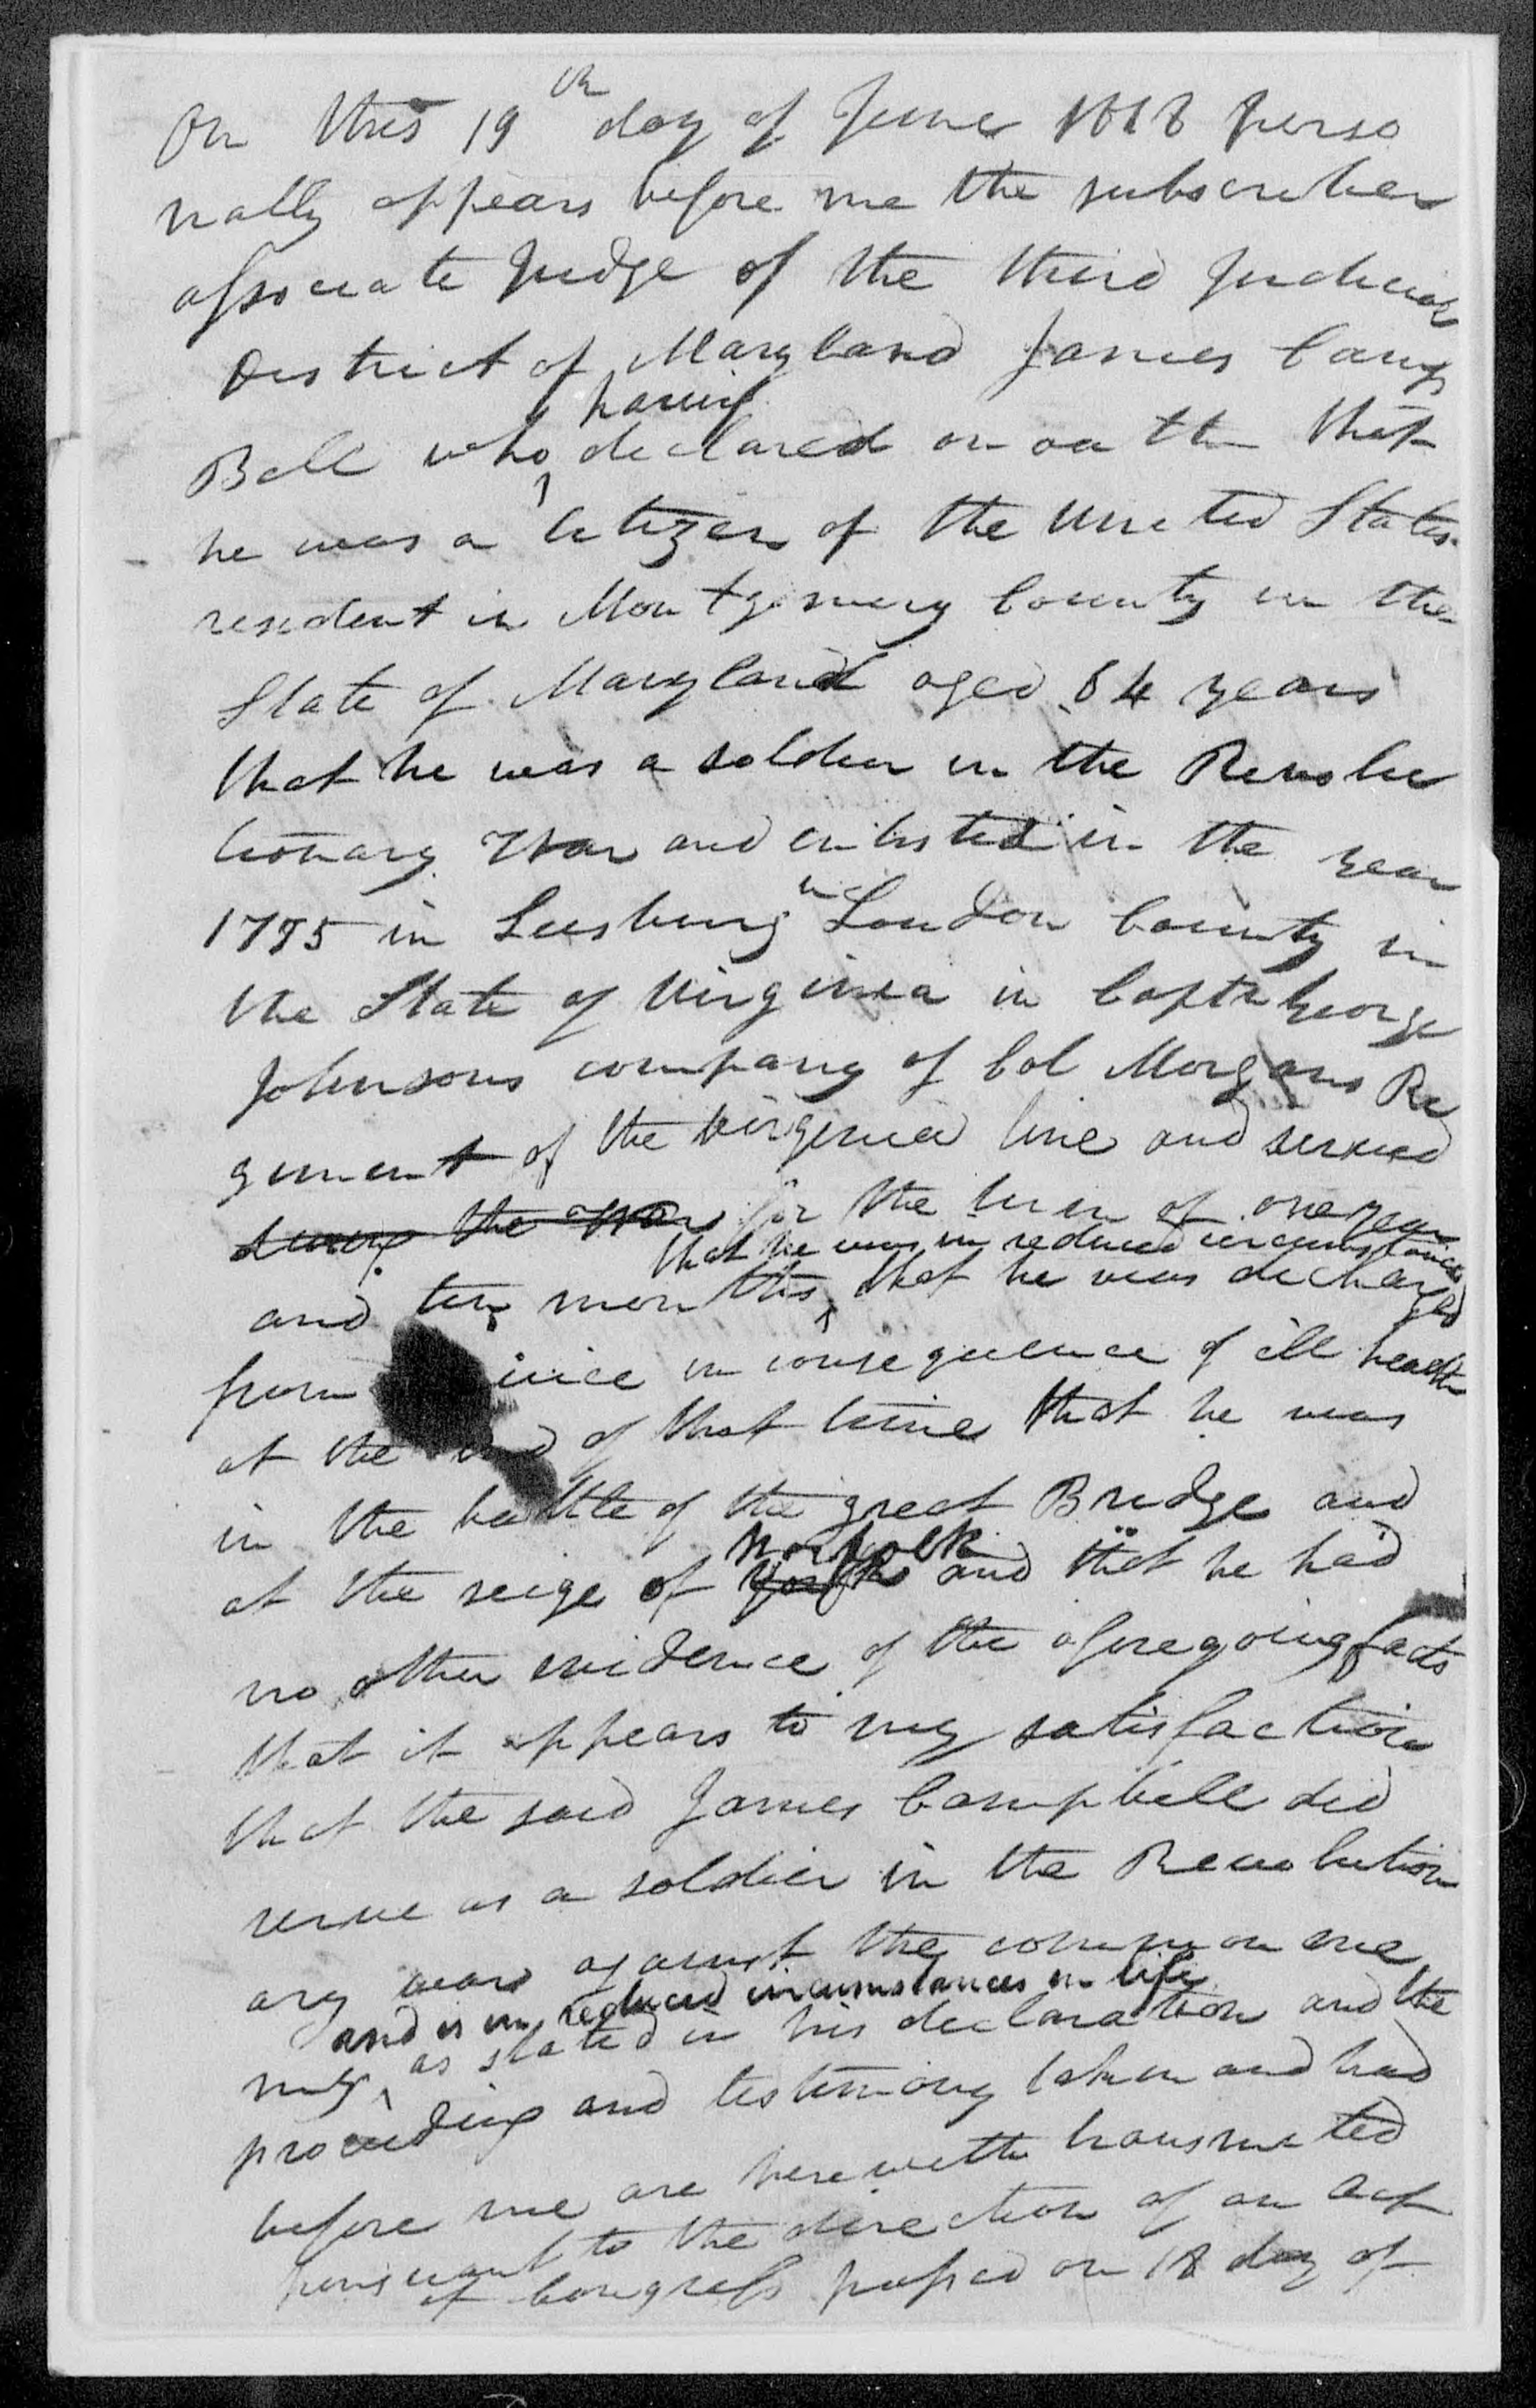On this 19th day of June 1818 finally appears before me, the subscriber associate judge of the third judiciary district of Maryland James Carey Bell, who having declared on oath that he was a citizen of the United States resident in Montgomery County in the state of Maryland aged 64 years that he was a soldier in the revolutionary war and enlisted in the year 1775 in Leesburg in Loudon County in the state of Virginia in Captn George Johnsons company of Col Morgans regiment of the Virginia line and served for the term of one year and 10 months that he was in reduced circumstances that he was discharged since in consequence of ill hearing at the end of that time that he was in the battle of the great Bridge and at the seige of Norfolk and that he had no other evidence of the aforegoing facts that to my satisfaction that the said James Campbell did serve as a soldier in the revolutionary war against the county on enemy and is in reduced circumstances in life as stated in his declarations and proceeding and testimony taken and had be for me are herewith transcribed pursuant to the direction of an Act of Congress  [illegible] on 18 day of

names: Morgan, James Campbell, George Johnson, James Campbell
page: 3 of 47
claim: widow's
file: W. 25384, James Campbell, Va.